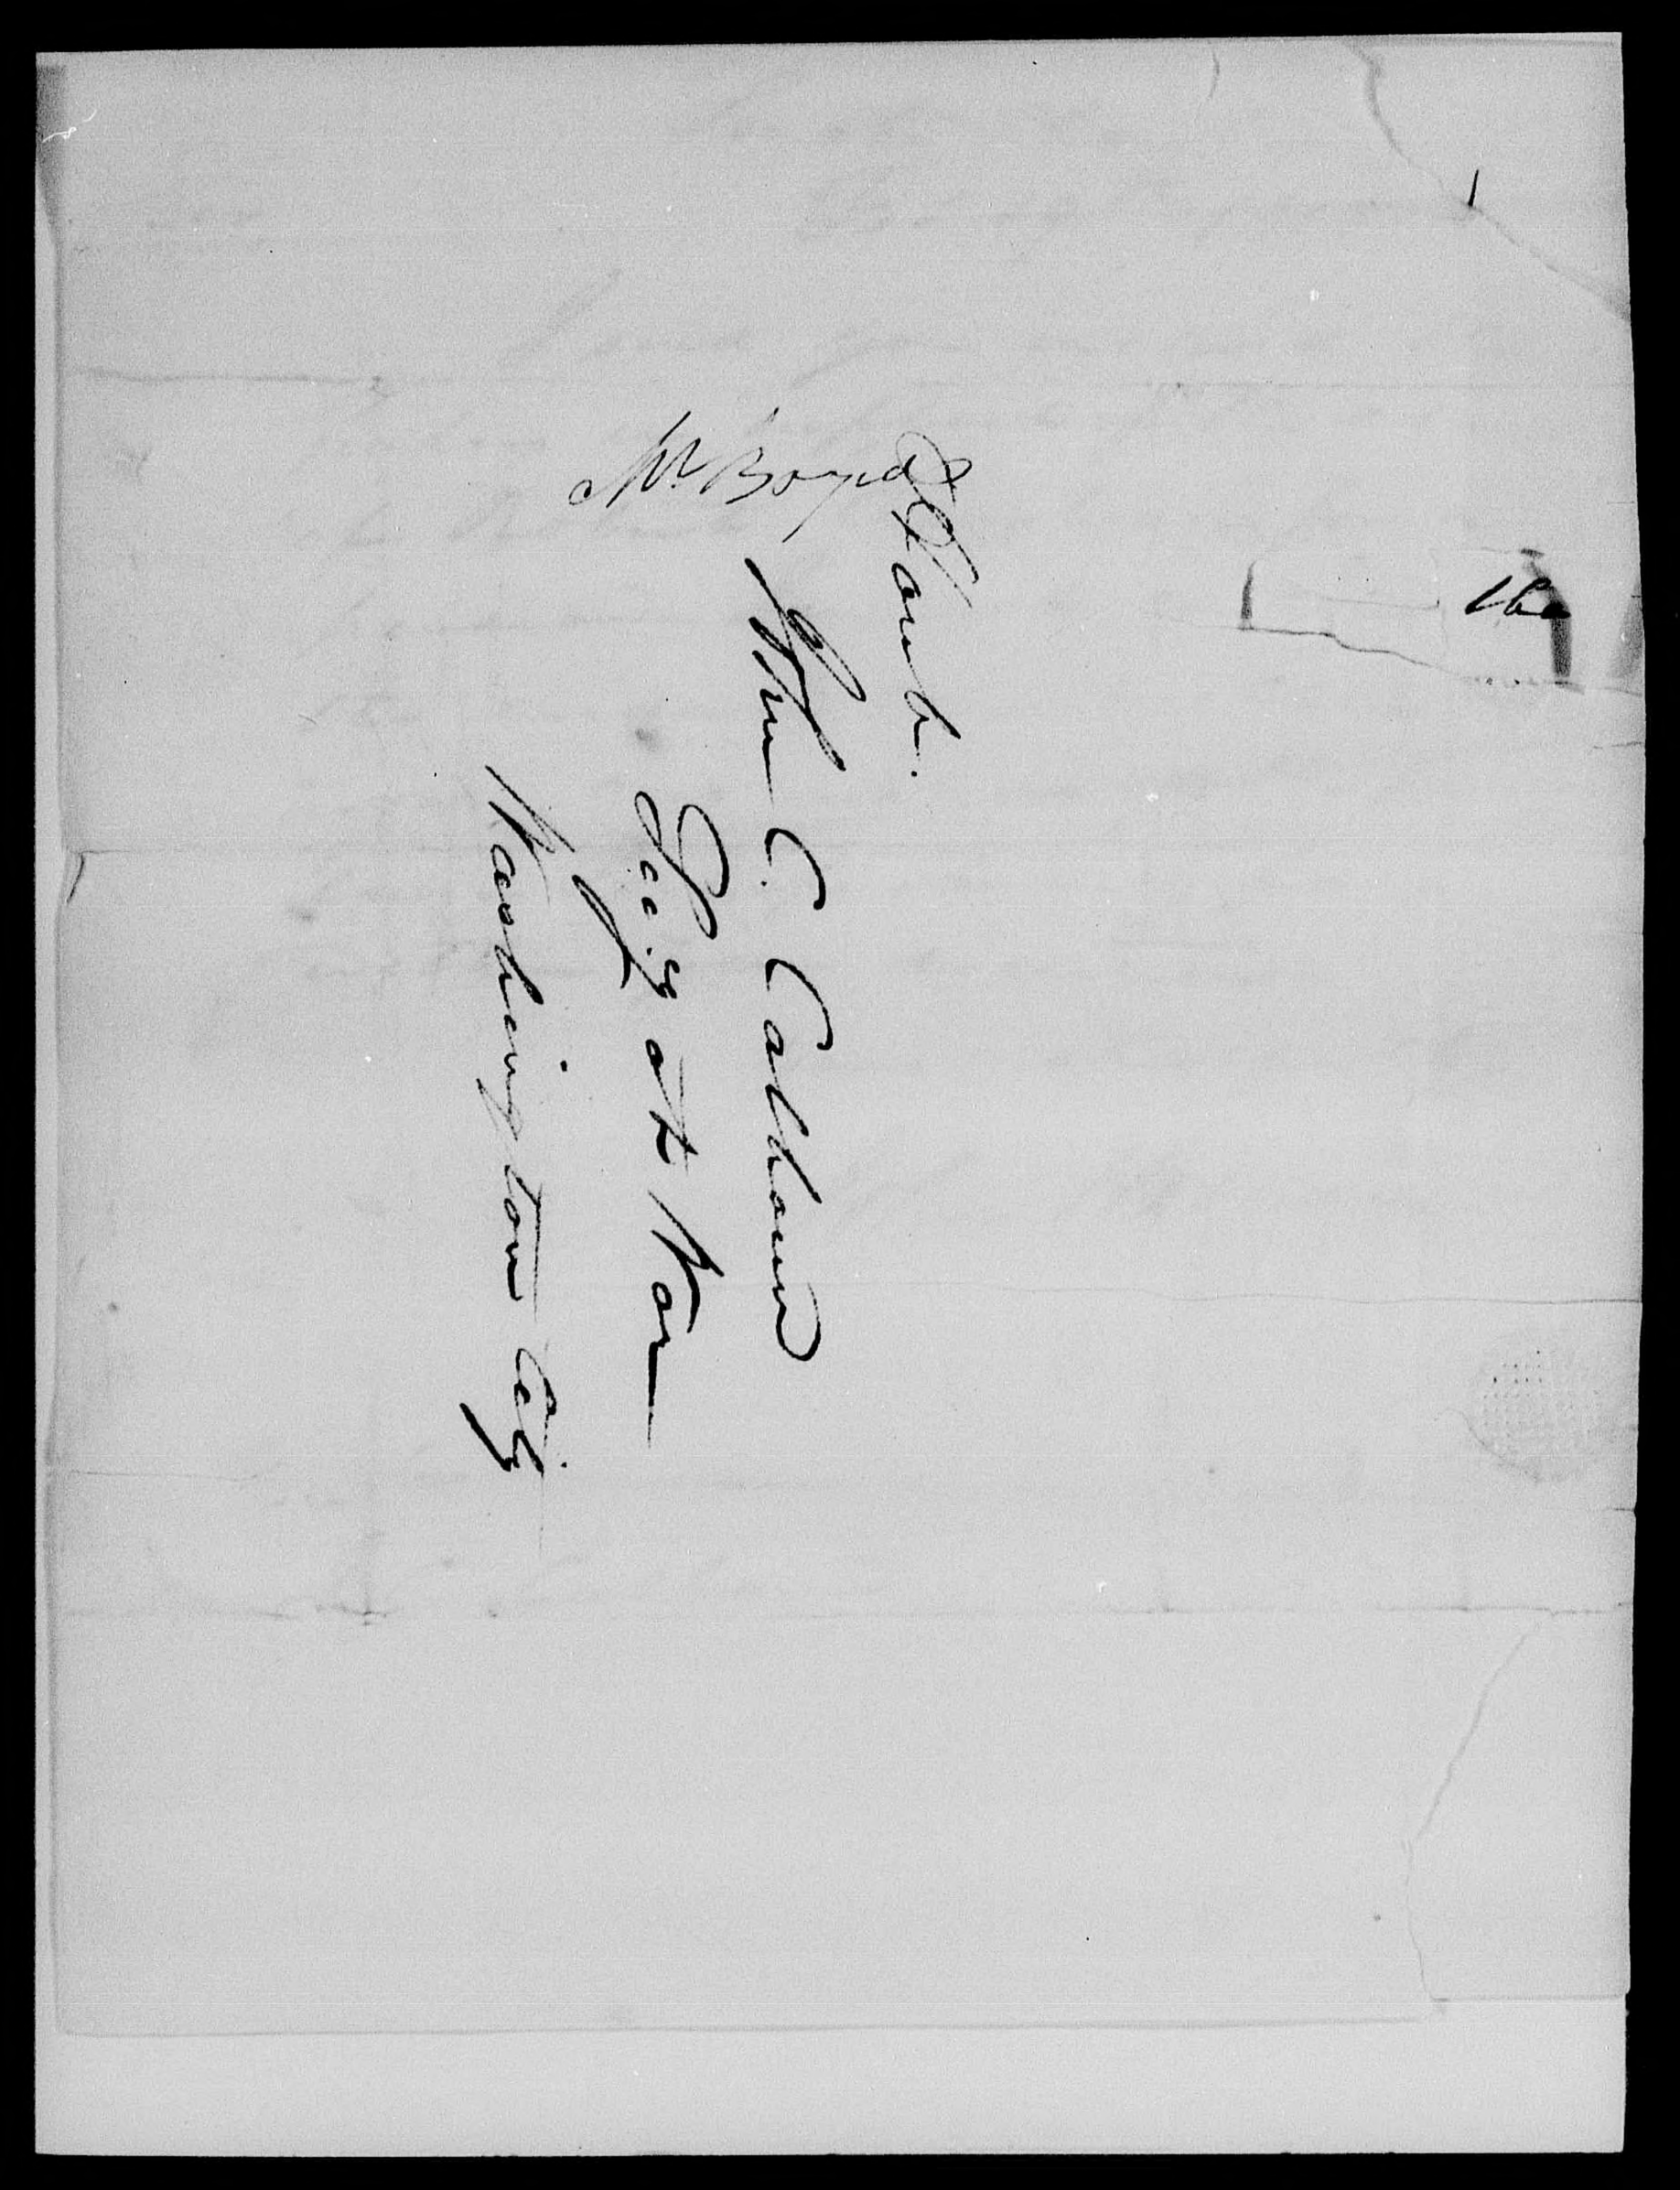M. Boyd
Honorable John C. Calhoun
Secretary of War
Washington City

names: Boyrd, John C Calhoun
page: 18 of 26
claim: survivor's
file: S. 352, Robert Craighead, N.C.